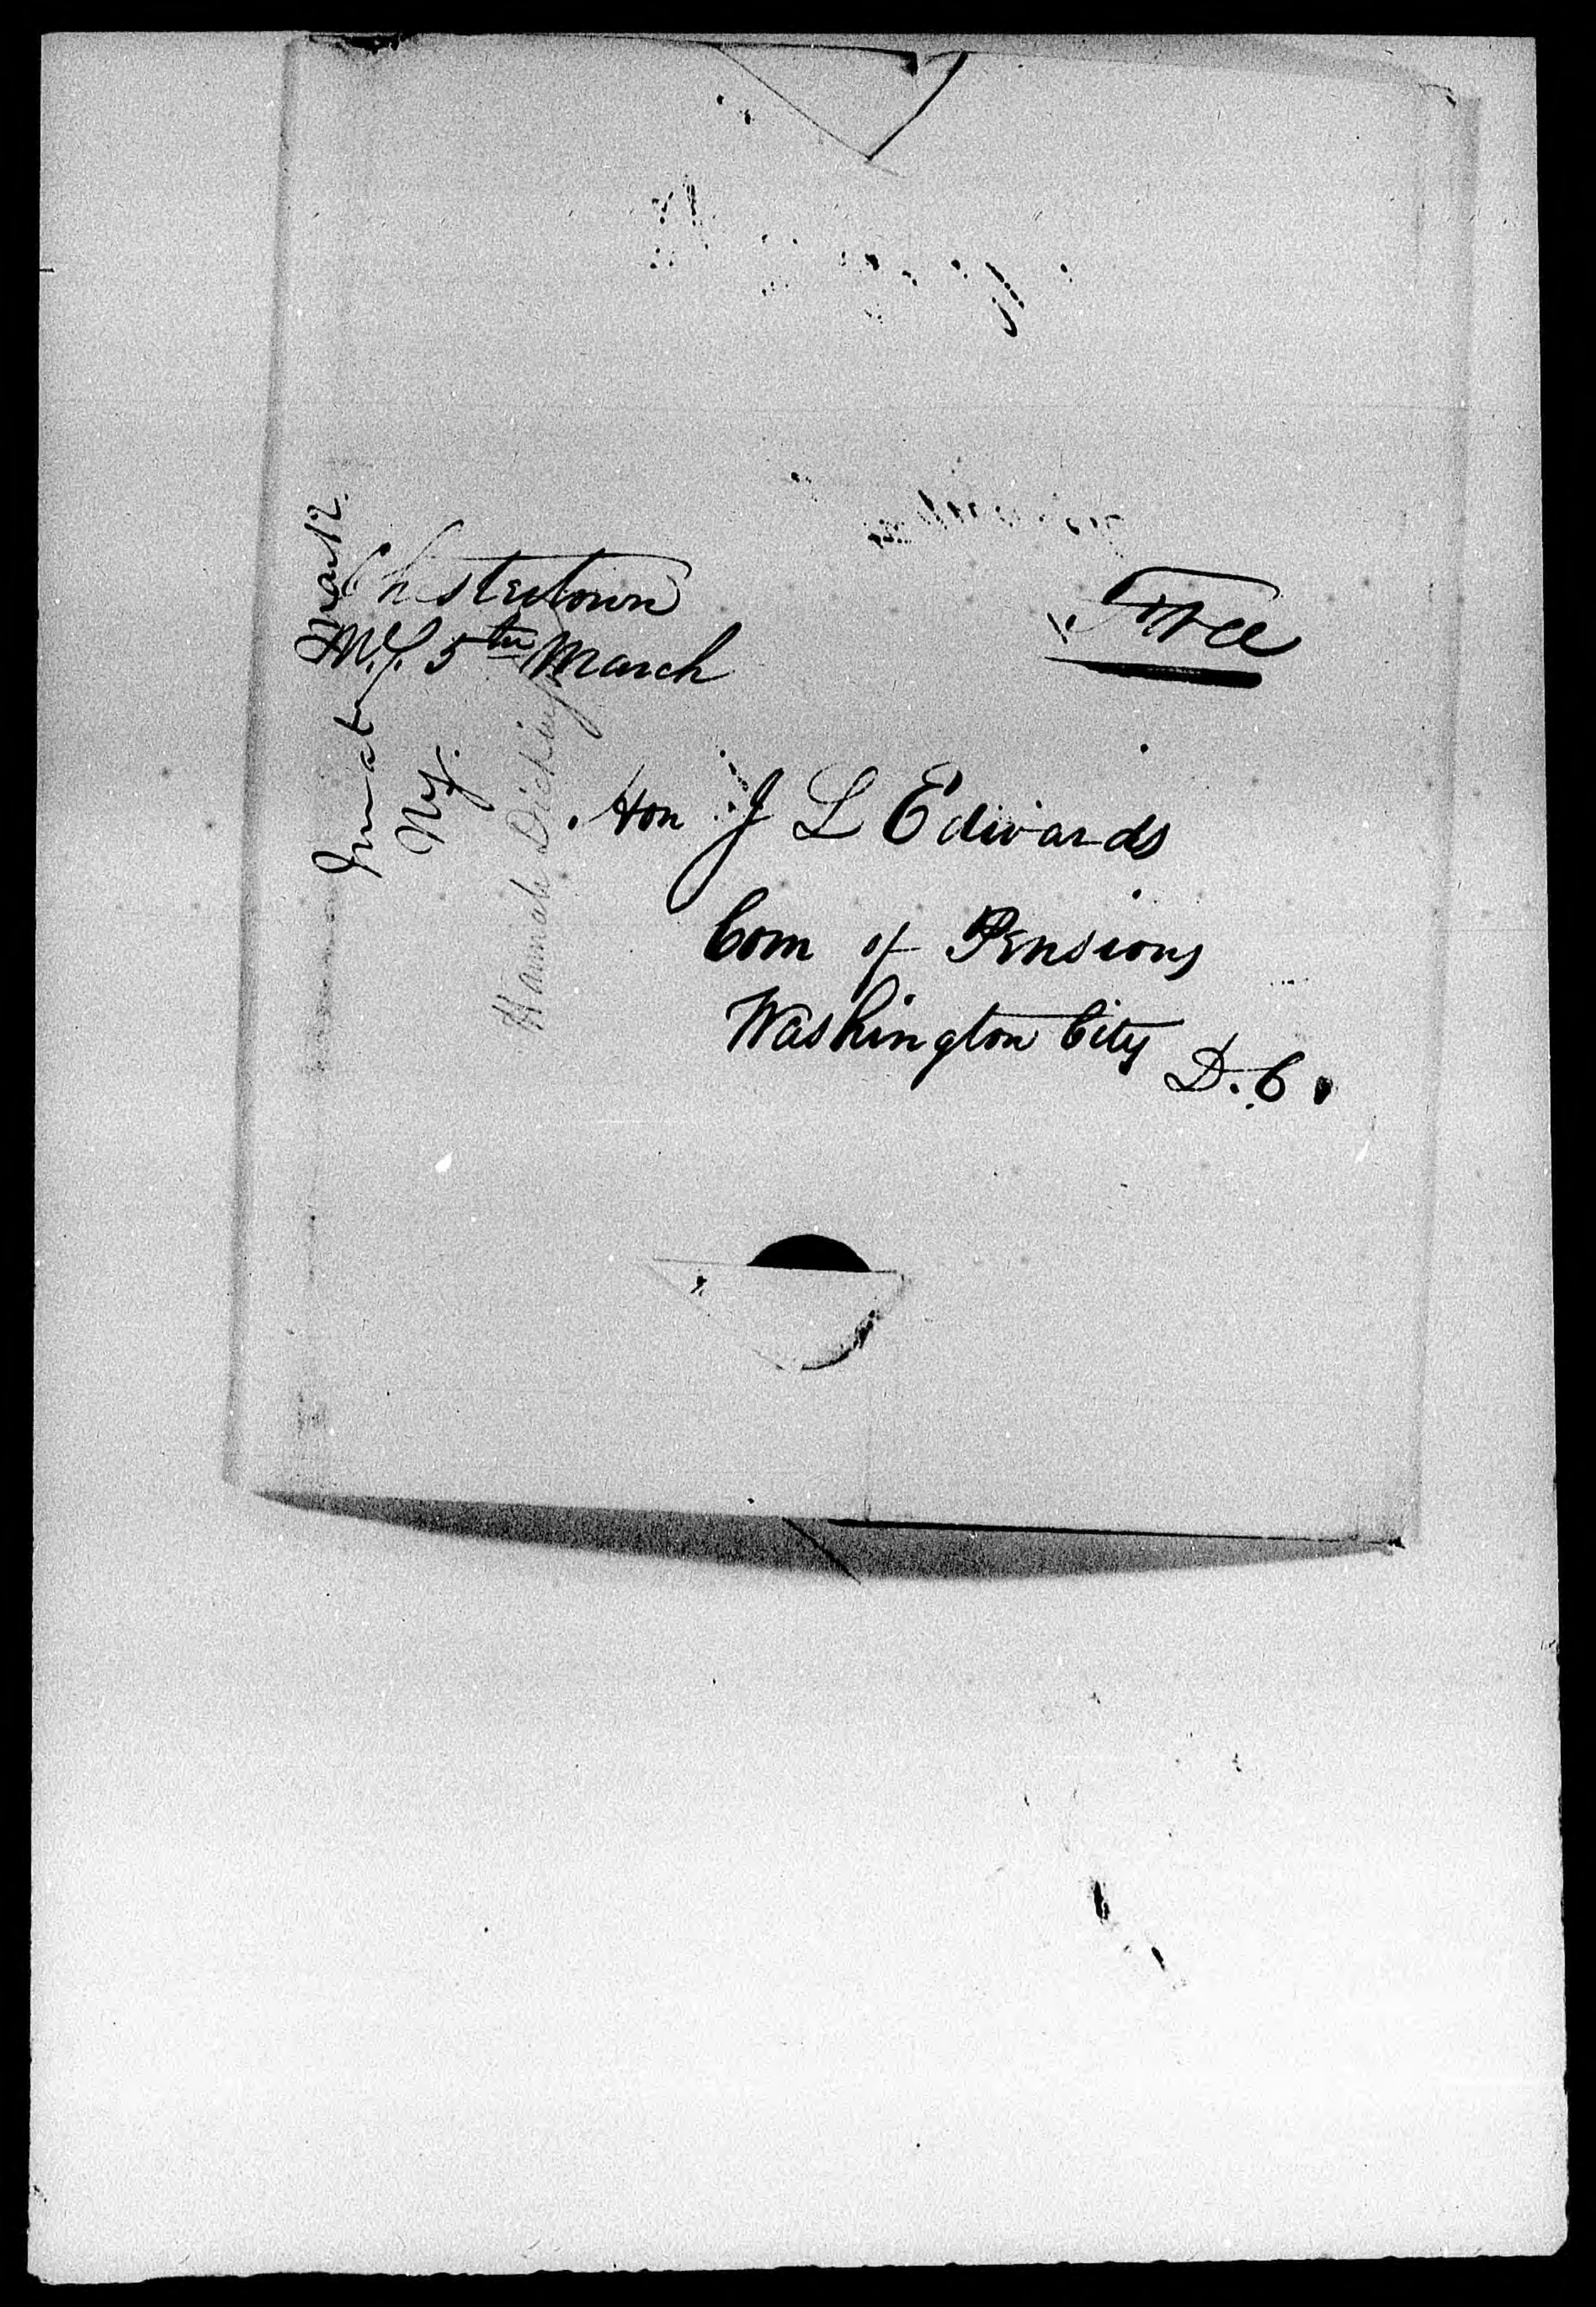Chestertown Ny 5th March  Free
Hon J L Edwards Com [Commissioner] of Pensions Washington City D.C.
JM at NY Mail 2
Hannah Dickenson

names: J L Edwards, Hannah Dickinson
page: 31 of 60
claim: widow's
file: W 16,955, Samuel Dickinson, Conn.